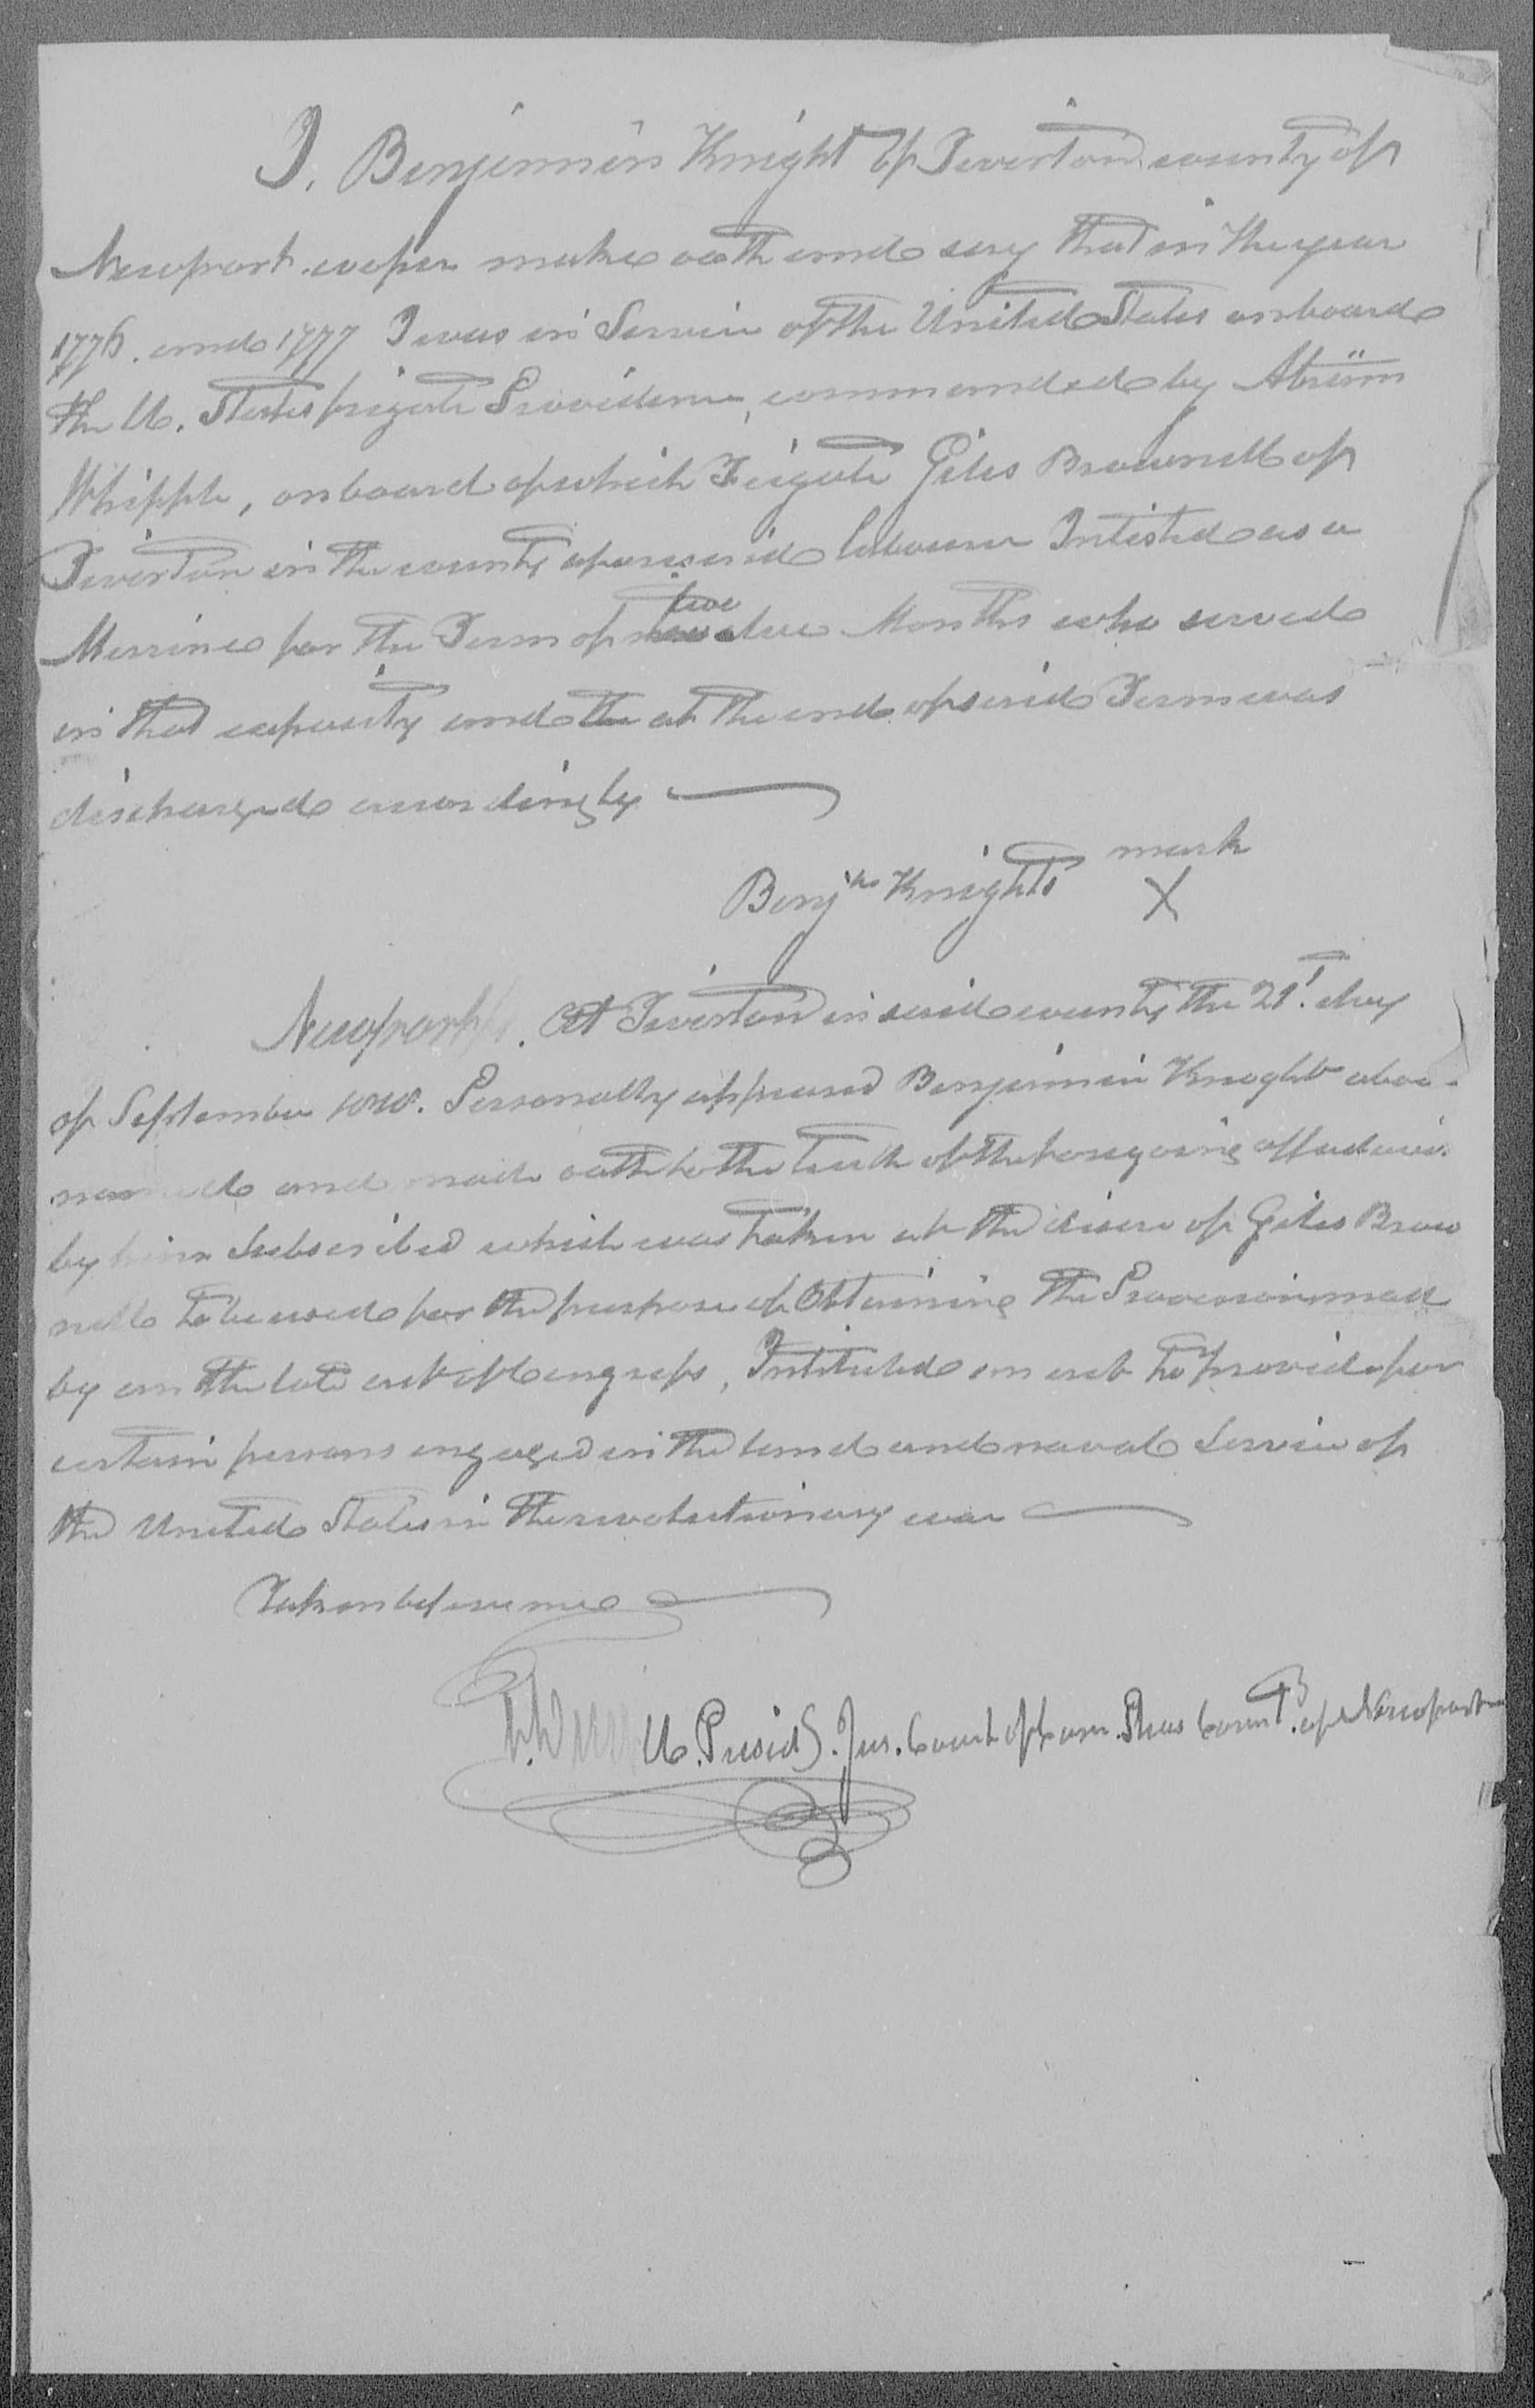I, Benjamin Knight of Tiverton county of Newport [illegible] makes oath and say that in the year 1776 and 1777 I was in Service of the United States onboard the U. States frigate Providence commanded by Abraham Whipple, on board of which Frigate Giles Brownell of Tiverton in the county aforesaid labourer in listed as a Marine for the term of [partial word crossed through]^twe lve months who served in that capacity and then at the end of said term was discharged accordingly - 
[signature]
Benj [^in?] Knight mark X

Newport ss. At Tiverton in said county the 21 [^illegible] day of September 1818 Personally appeared Benjamin Knight [illegible] and [illegible] oath to the truth of the foregoing affidavit by him subscribed which was taken at the desire of Giles Brownell to be used for the purpose of obtaining the Provision made by the late act of Congress Intitled an act to provide for certain persons engaged in the land and naval Service of the United States in the revolutionary war - 
Taken before me - 
[Illegible] Presid S Jus. Court of Com Pleas County of Newport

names: Giles Brownell, Benjamin Knight, Abram Whipple, Benjn Knight, Giles Brownell, Termenas, Benjamin Knight, T Durfee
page: 9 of 12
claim: survivor's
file: S. 38579, Giles Brownell, Continental (R.I.) Navy